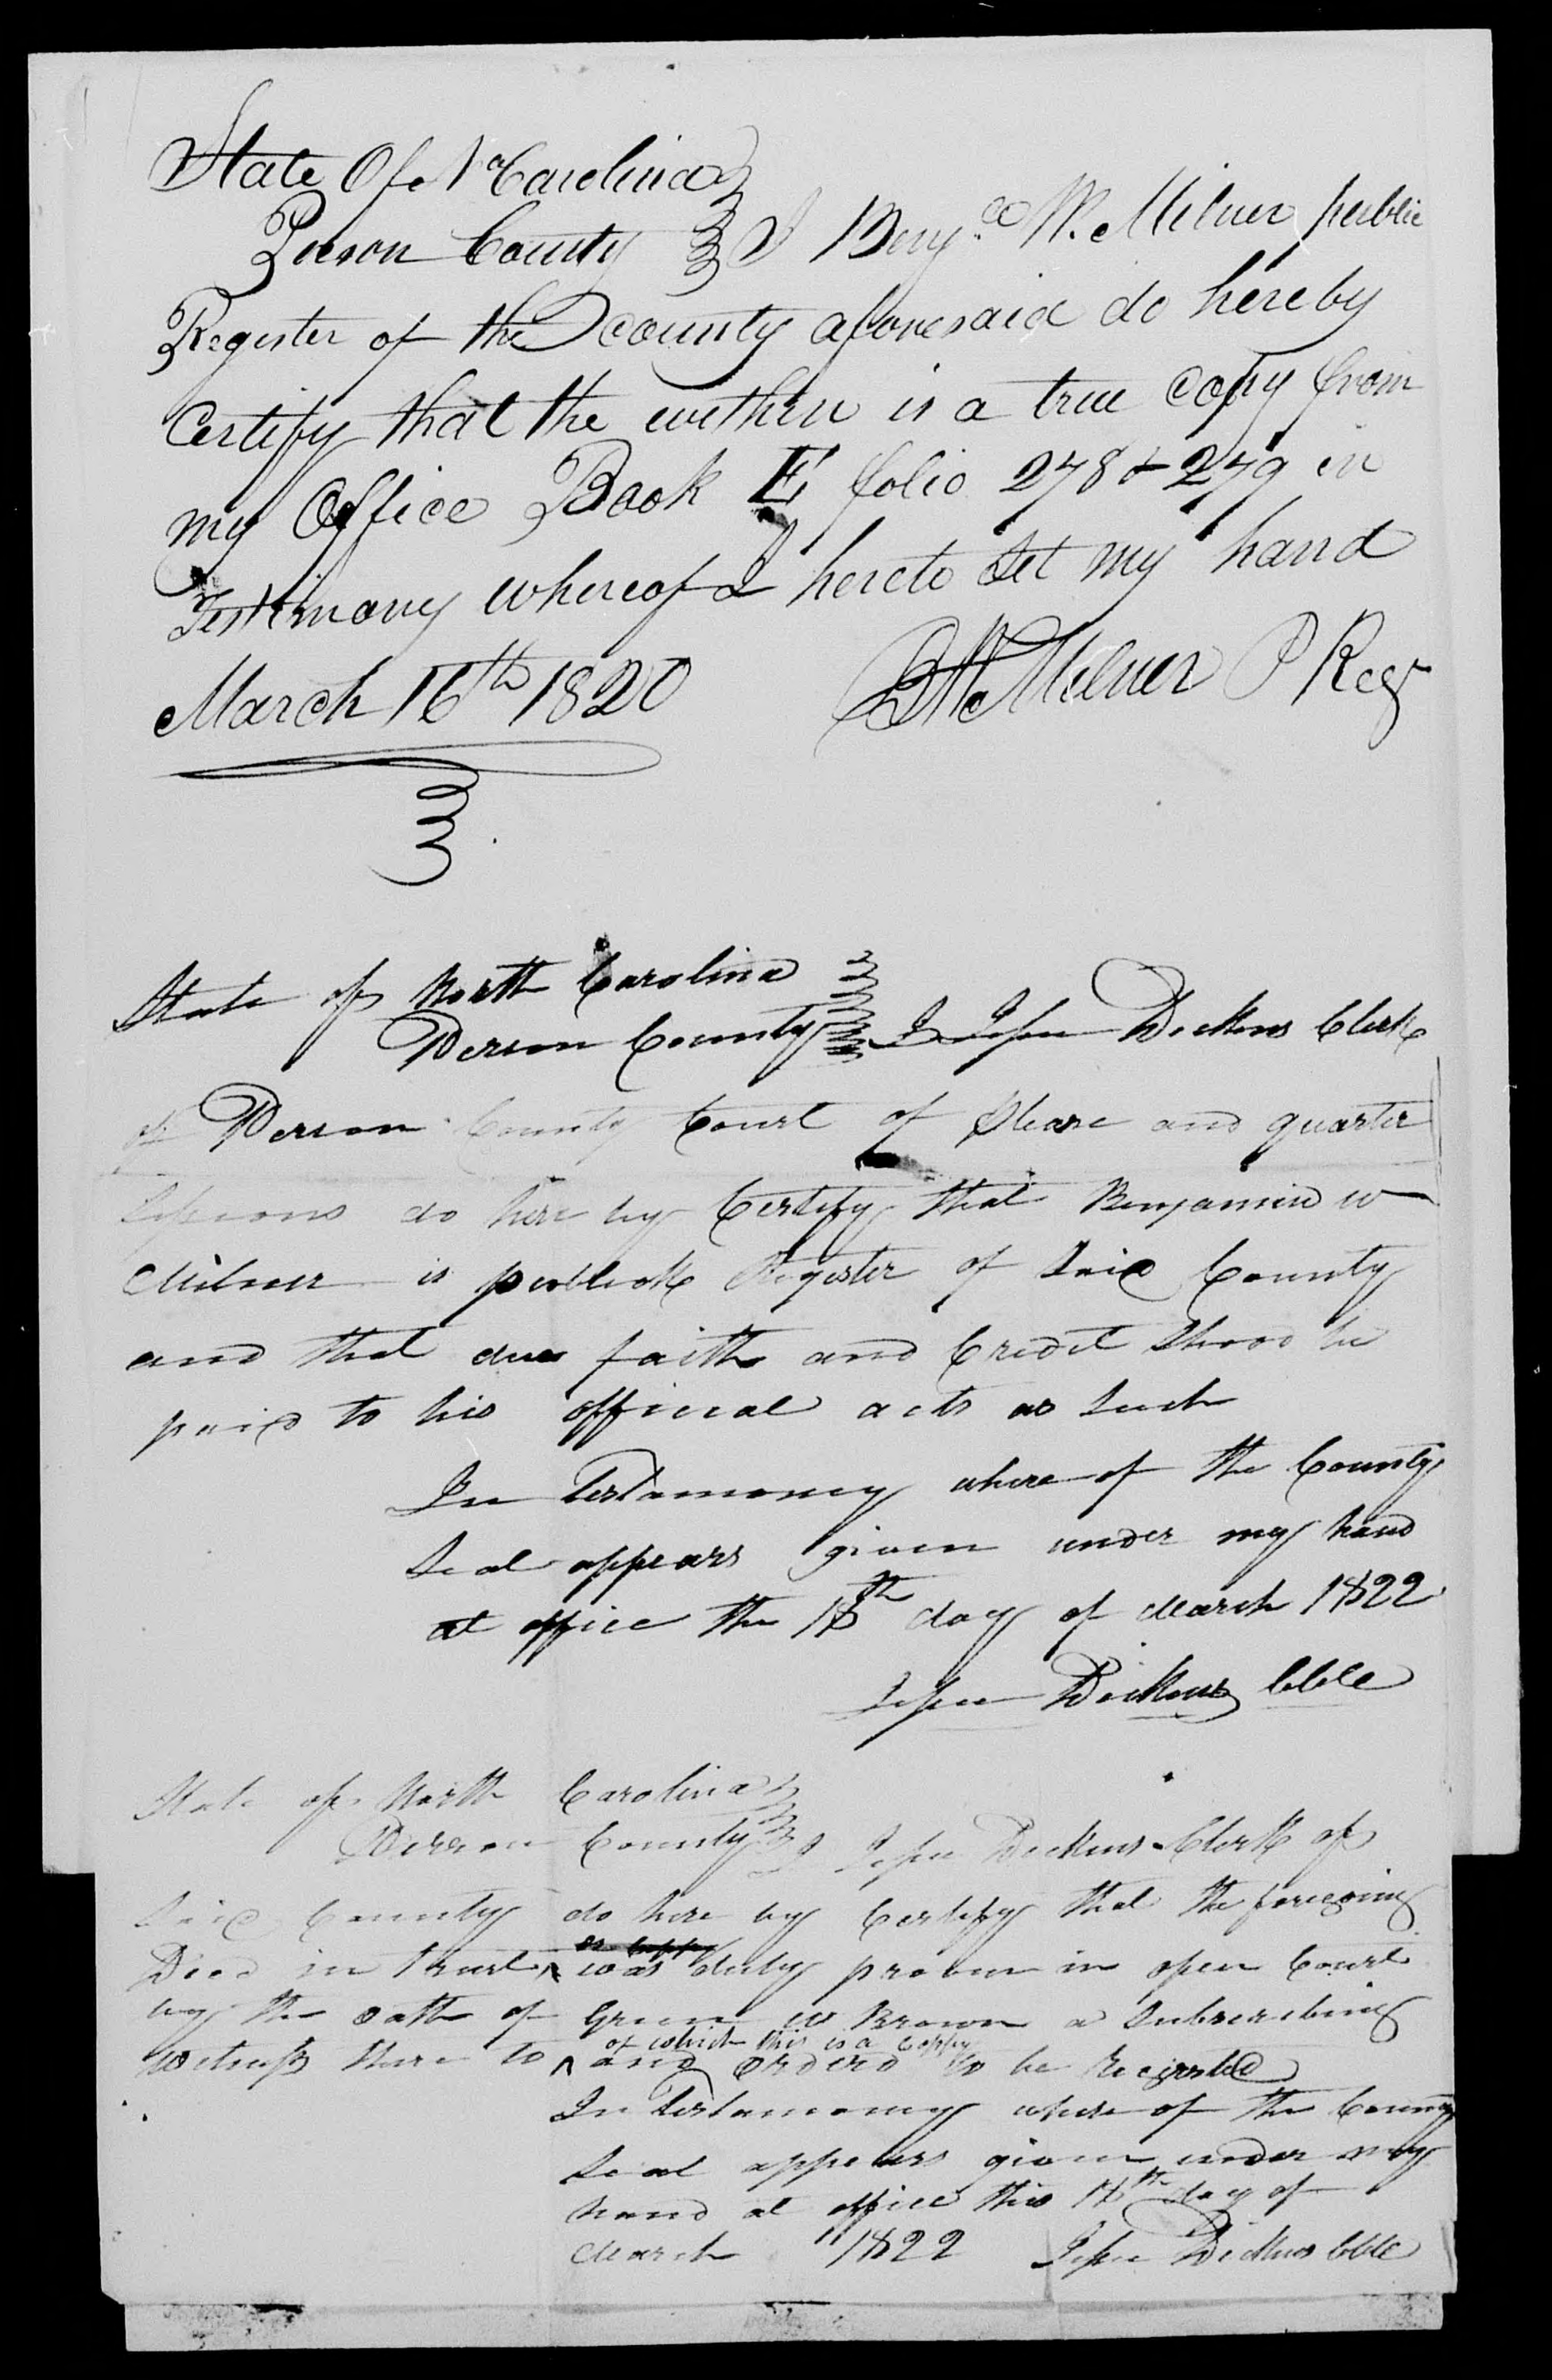State of N. Carolina
Person County } ss
I Benjamin W. Milner, public Register of the county aforesaid do hereby certify that the within is a true copy from my office Book E folio 278 and 279 in testimony whereof I hereto set my hand March 16th 1820.
Benjamin W. Milner P. Register
State of North Carolina
Person County} I Jesse Dickins clerk of Person county court of pleas and quarter 
sessions do here by certify that Benjamin W. Milner is public Register of said county and that due faith and credit should be paid to his official acts as such.
In testimony where of the county seal appears given under my hand at office the 11th day of March 1822.
Jessee Dickins 
State of North Carolina Person County}ss. I  Jesse Dickins Clerk of said county do here by certify the the foregoing died in [illegible] was duly proven in open court by the oath of Green W. Brown an subscribing witness share to, of which this is a copy, and ordered to be registered.
In testimony whereof the county seal appears given under my hand at office this 11th day of March 1822
Jesse Dickins Clerk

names: Green W Brown, Jessee Dickins, Jessee Dickins, Benjamin W Milner, Benjn W Milner, Jessee Dickins, B W Milner, Jessee Dickins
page: 32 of 49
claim: survivor's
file: S. 41513, George Duncan, N.C.